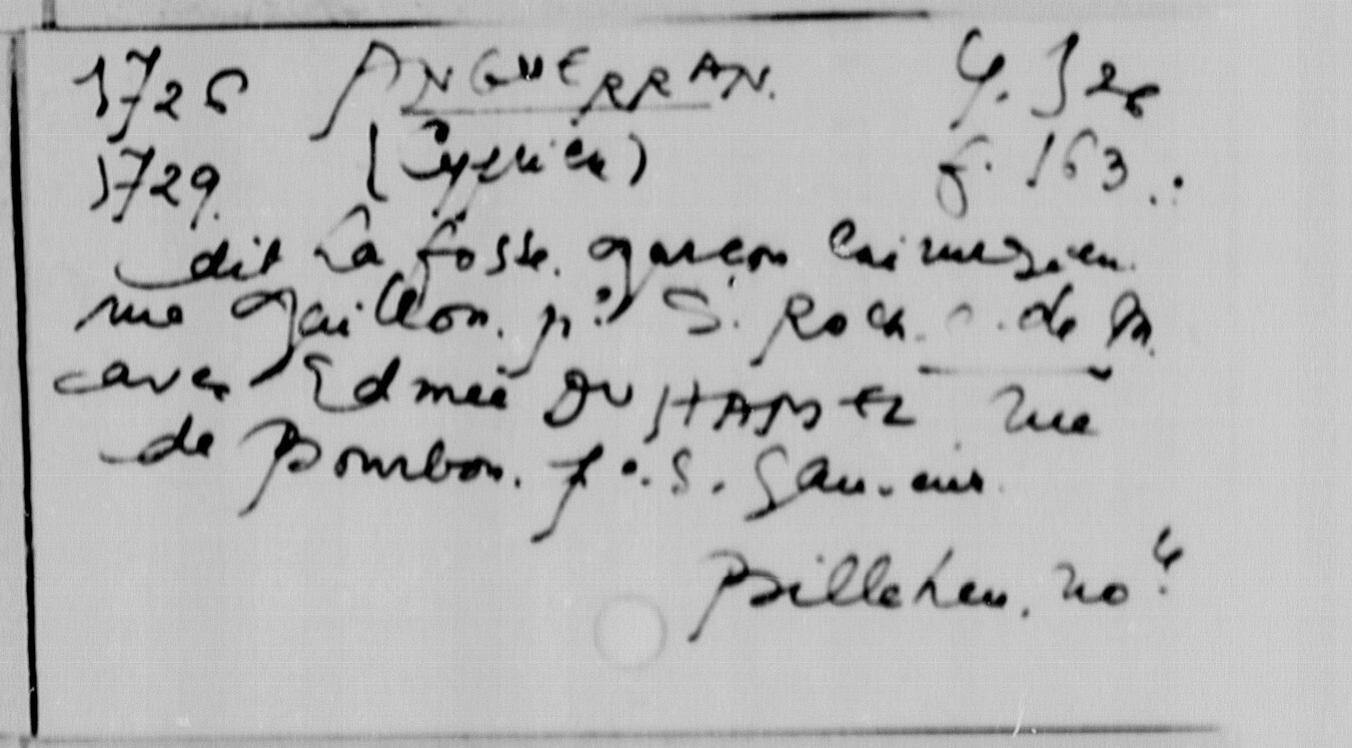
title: ANGUERRAN (Cyprien)
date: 1726-1729
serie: Y
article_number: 326
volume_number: folio 163 verso
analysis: dit La fosse, garçon chirurgien? rue Gaillon, paroisse Saint Roch Contrat de mariage avec Edmée DUHAMEL, rue de Bourbon, paroisse Saint Sauveur Billeheu, notaire
